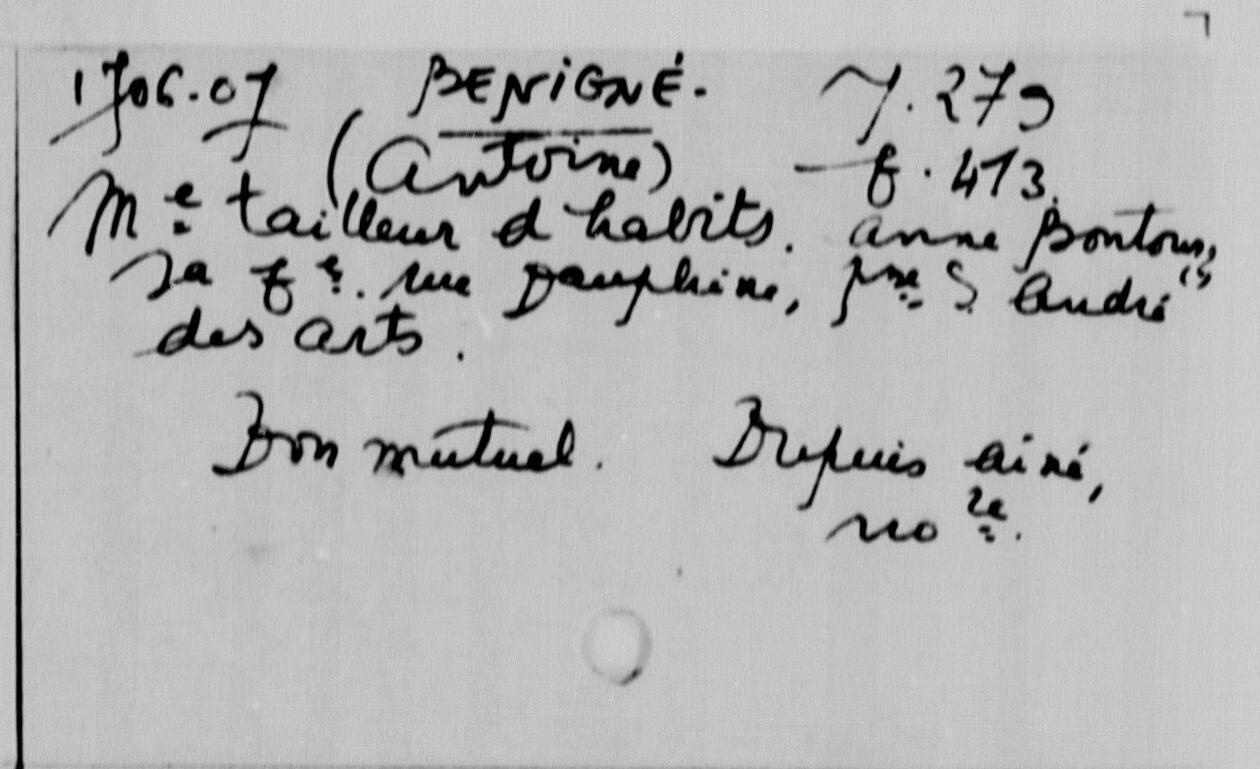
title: BENIGNÉ (Antoine)
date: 1706-1707
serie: Y
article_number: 279
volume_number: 413
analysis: Maître tailleur d'habits, Anne Bontour, sa femme, rue Dauphine, paroisse Saint-André des Arts. Don mutuel. Dupuis aîné, notaire.
